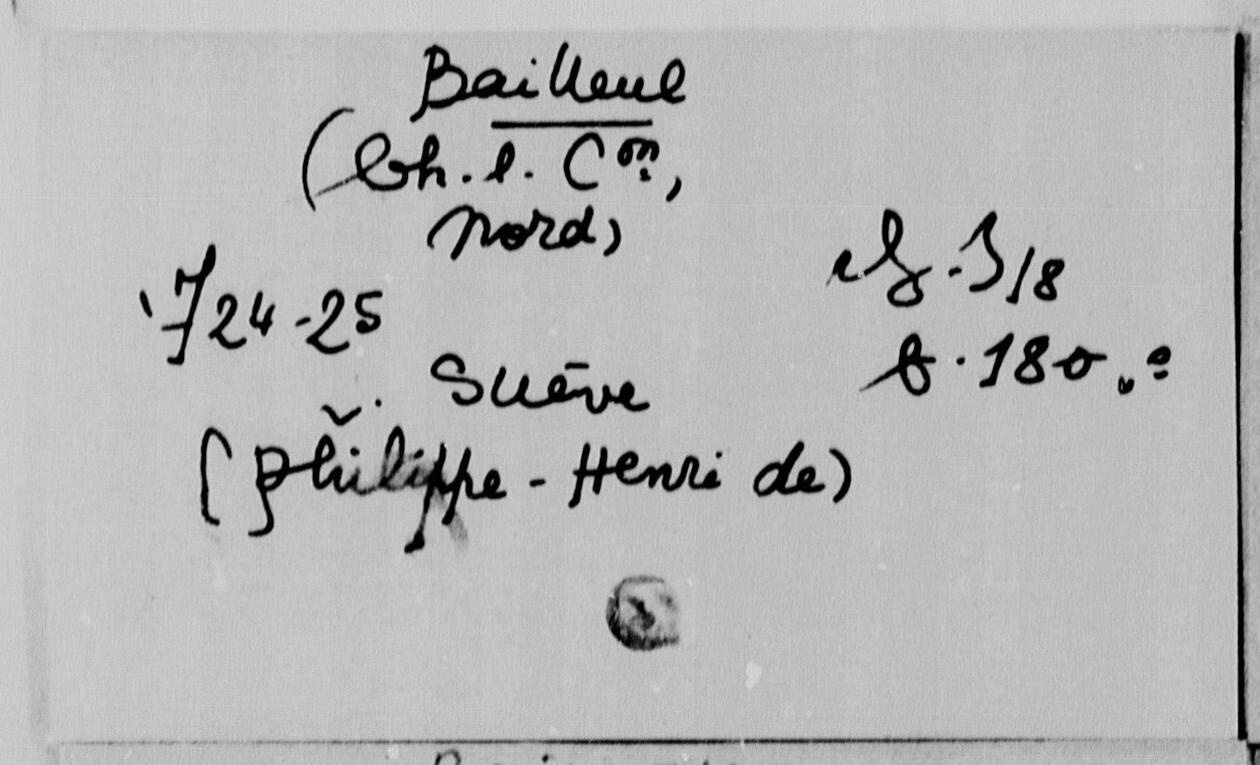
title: Bailleul (Chef-lieu de canton, Nord)
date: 1724-1725
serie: Y
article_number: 318
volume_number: folio 180v
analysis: Voir Suève (Philippe-Henri de)
